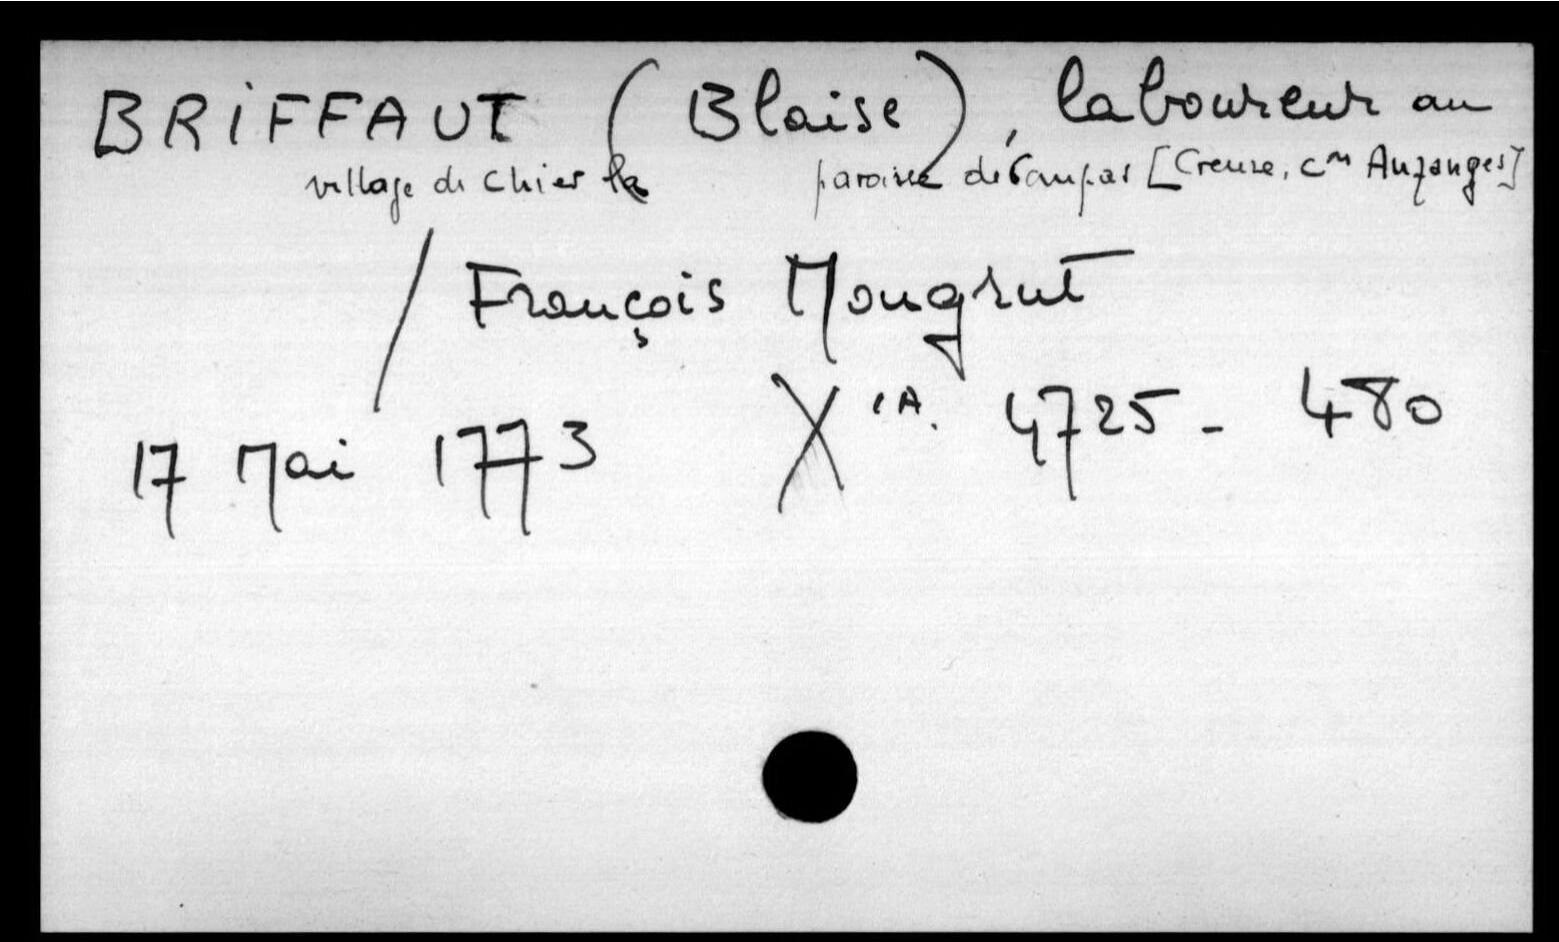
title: BRIFFAUT (Blaise), laboureur au village de Chier la paroisse de Campas [Creuse, commune Auzanges]
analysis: Contre François Mougrut
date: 17 mai 1773
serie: X1A
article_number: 4725
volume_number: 480
